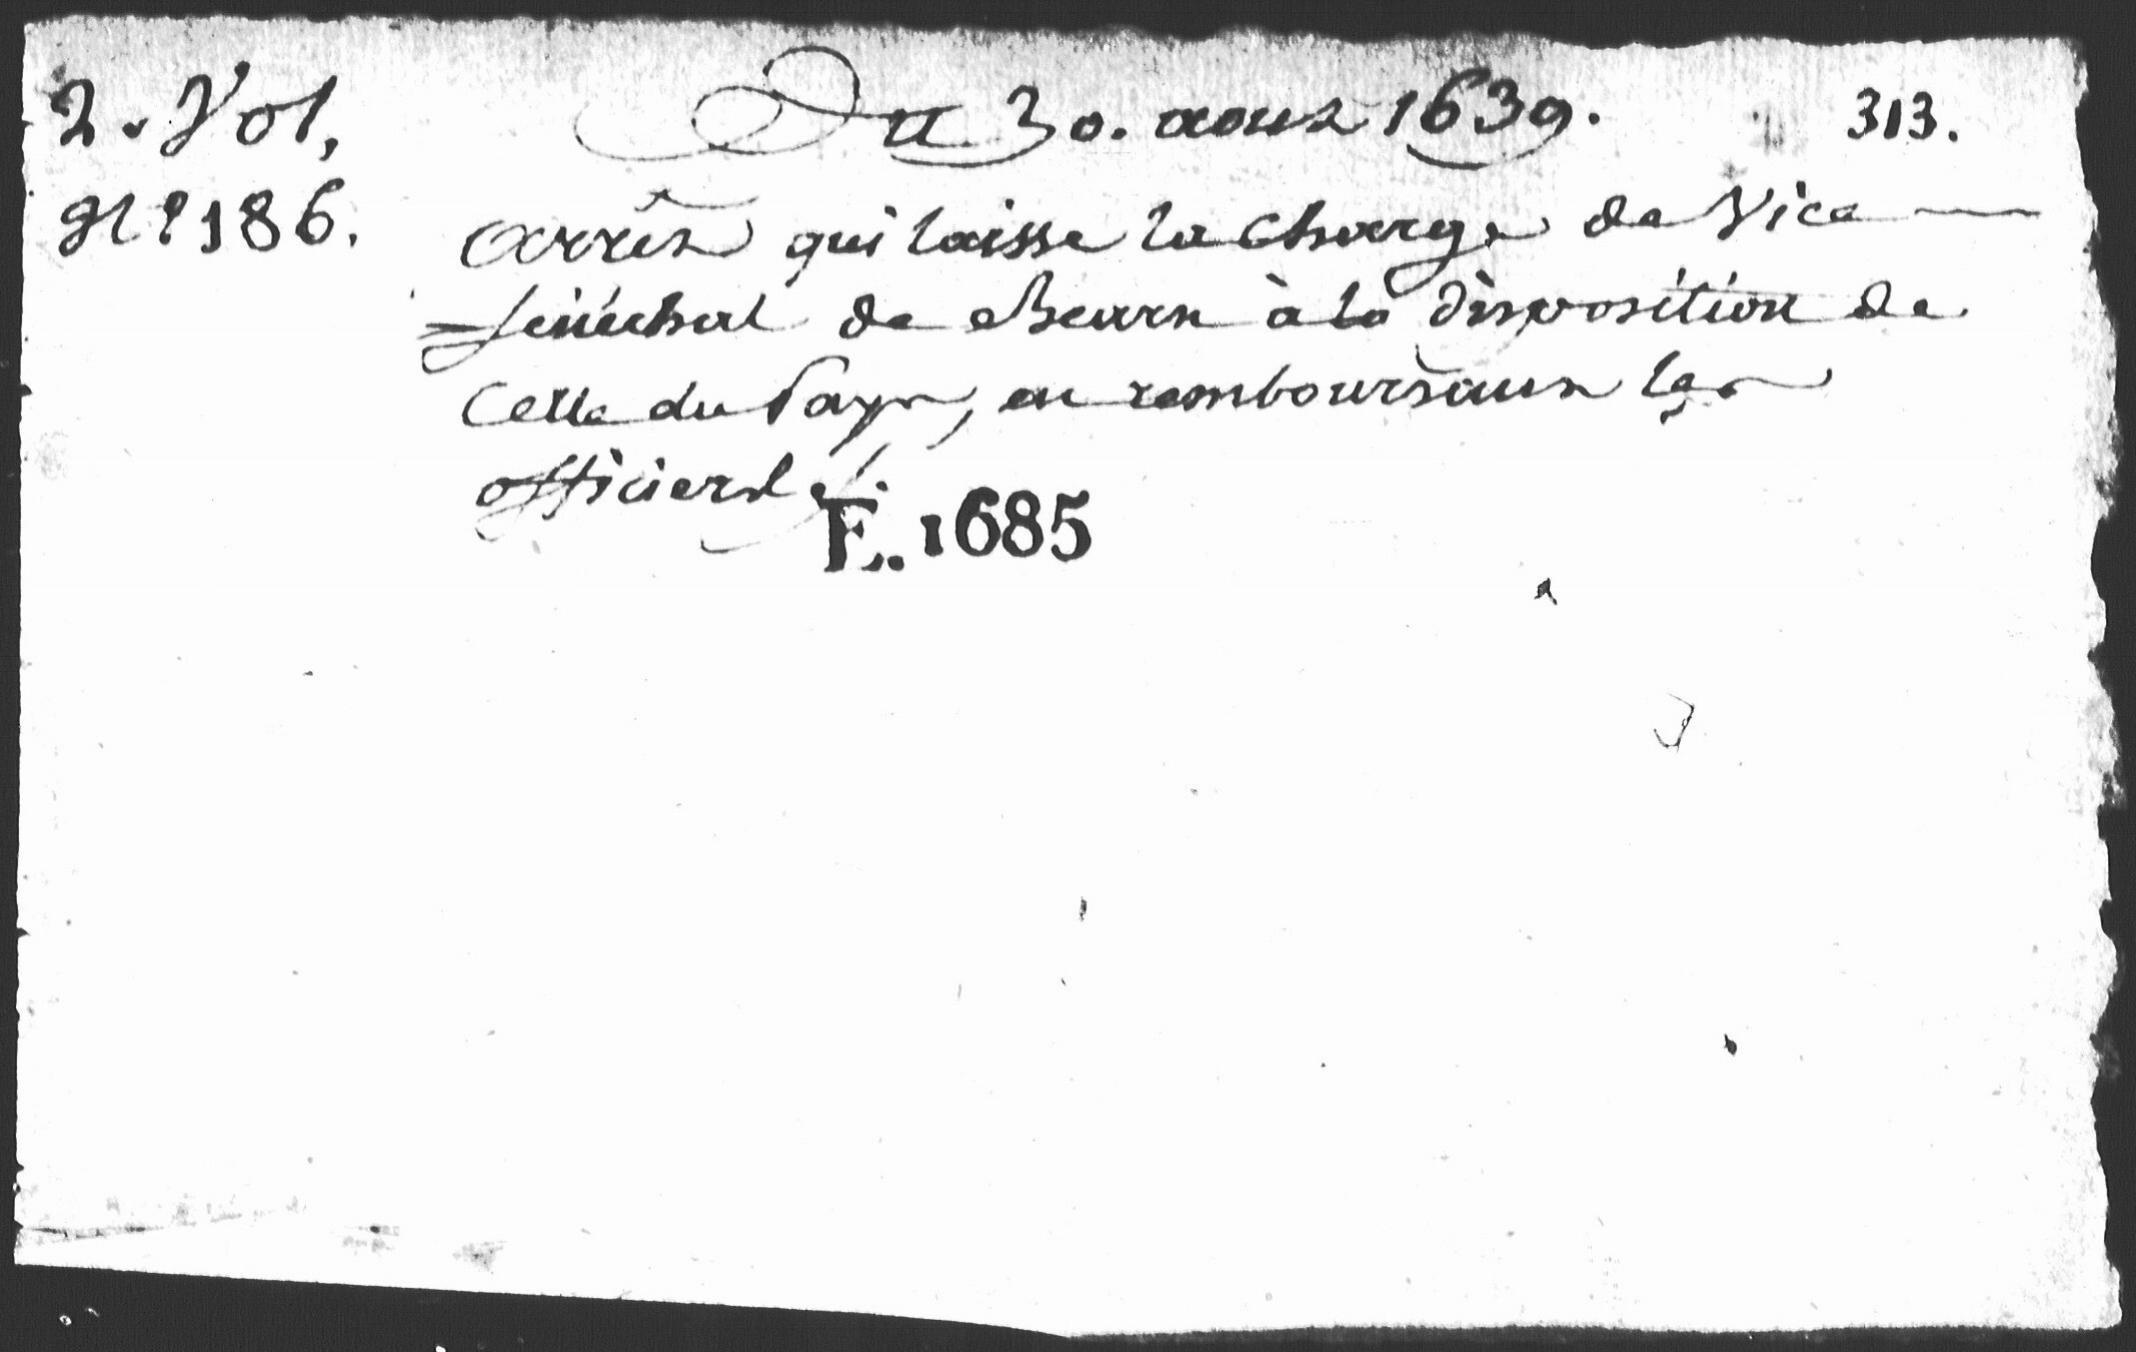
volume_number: n°186
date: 30 août 1639
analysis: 313.
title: Arrêt qui laisse la charge de vice-sénéchal de Bearn à la disposition de celle du Pays, en remboursant les officiers.
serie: E
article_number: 1685
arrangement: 2. vol.
